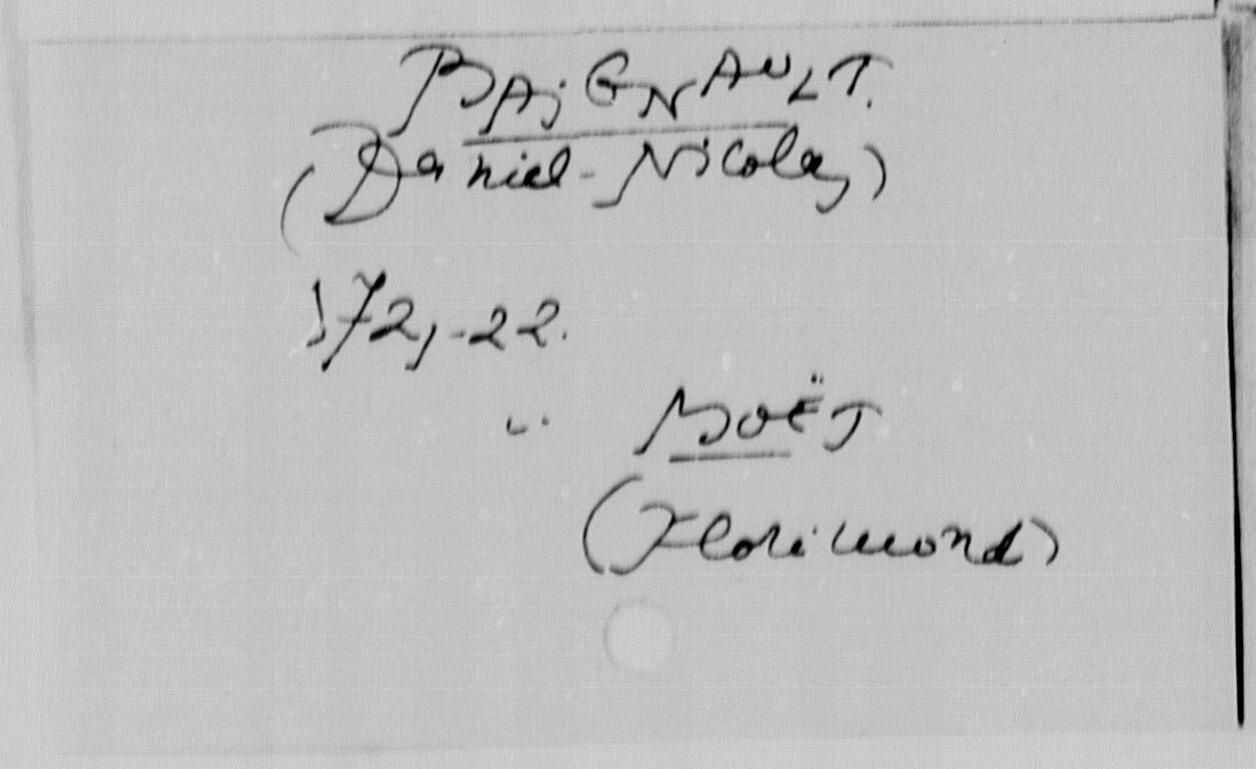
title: BAIGNAULT (Daniel-Nicolas)
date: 1721-1722
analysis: Voir MOËT (Florimond)
